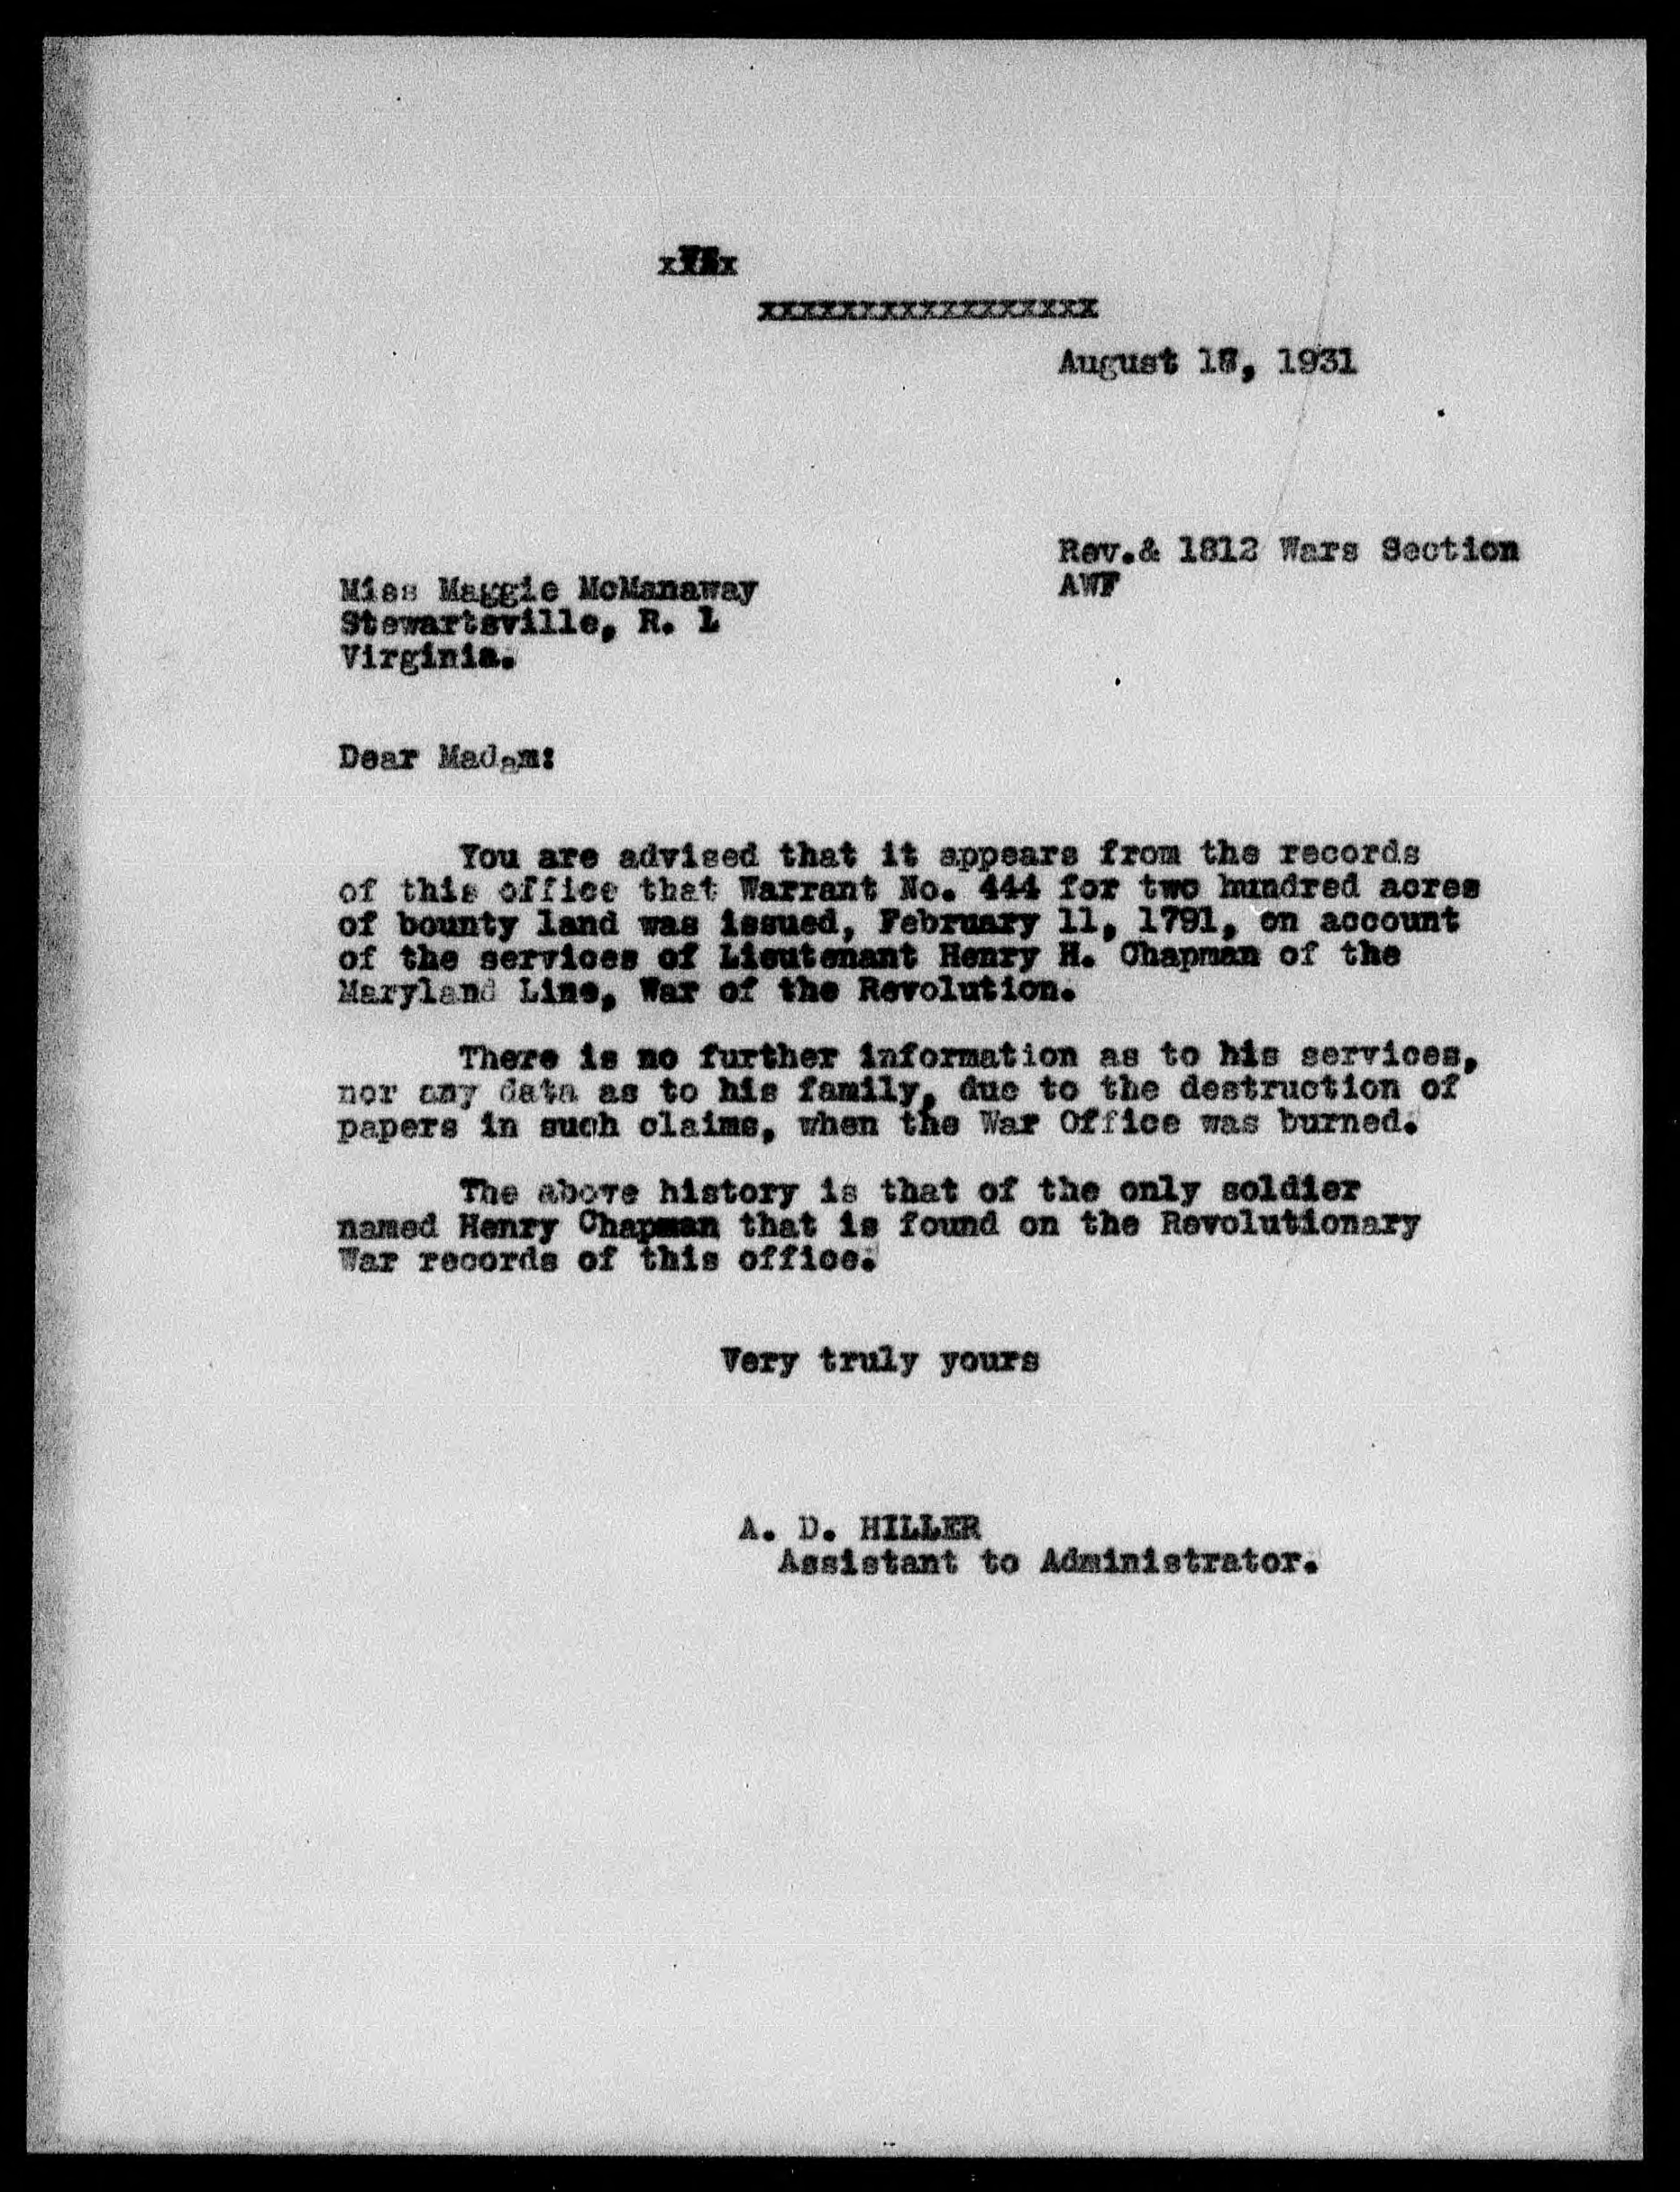August 18, 1931

Rev & 1812 Wars Section
AWF

Miss Maggie McManaway
Stewartsville, R. 1
Virginia

Dear madam:

You are advised that it appears from the records of this office that Warrant No 444 for two hundred acres of bounty land was issued February 11, 1791, on account of the services of Lieutenant Henry H Chapman of the Maryland Line, war of the revolution.

There is no further information as to his services, nor any data as to his family, due to the destruction of papers in such claims, when the War Office was burned.

The above history is that of the only soldier named Henry Chapman that is found on the Revolutionary war records of this office.

Very truly yours,

A.D. Hiller
Assistant to Administrator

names: A D Hiller, Maggie Mc Manaway, Henry H Chapman, Henry Chapman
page: 6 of 7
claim: bounty land warrant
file: B.L.Wt. 444-200, Henry H Chapman, Md.